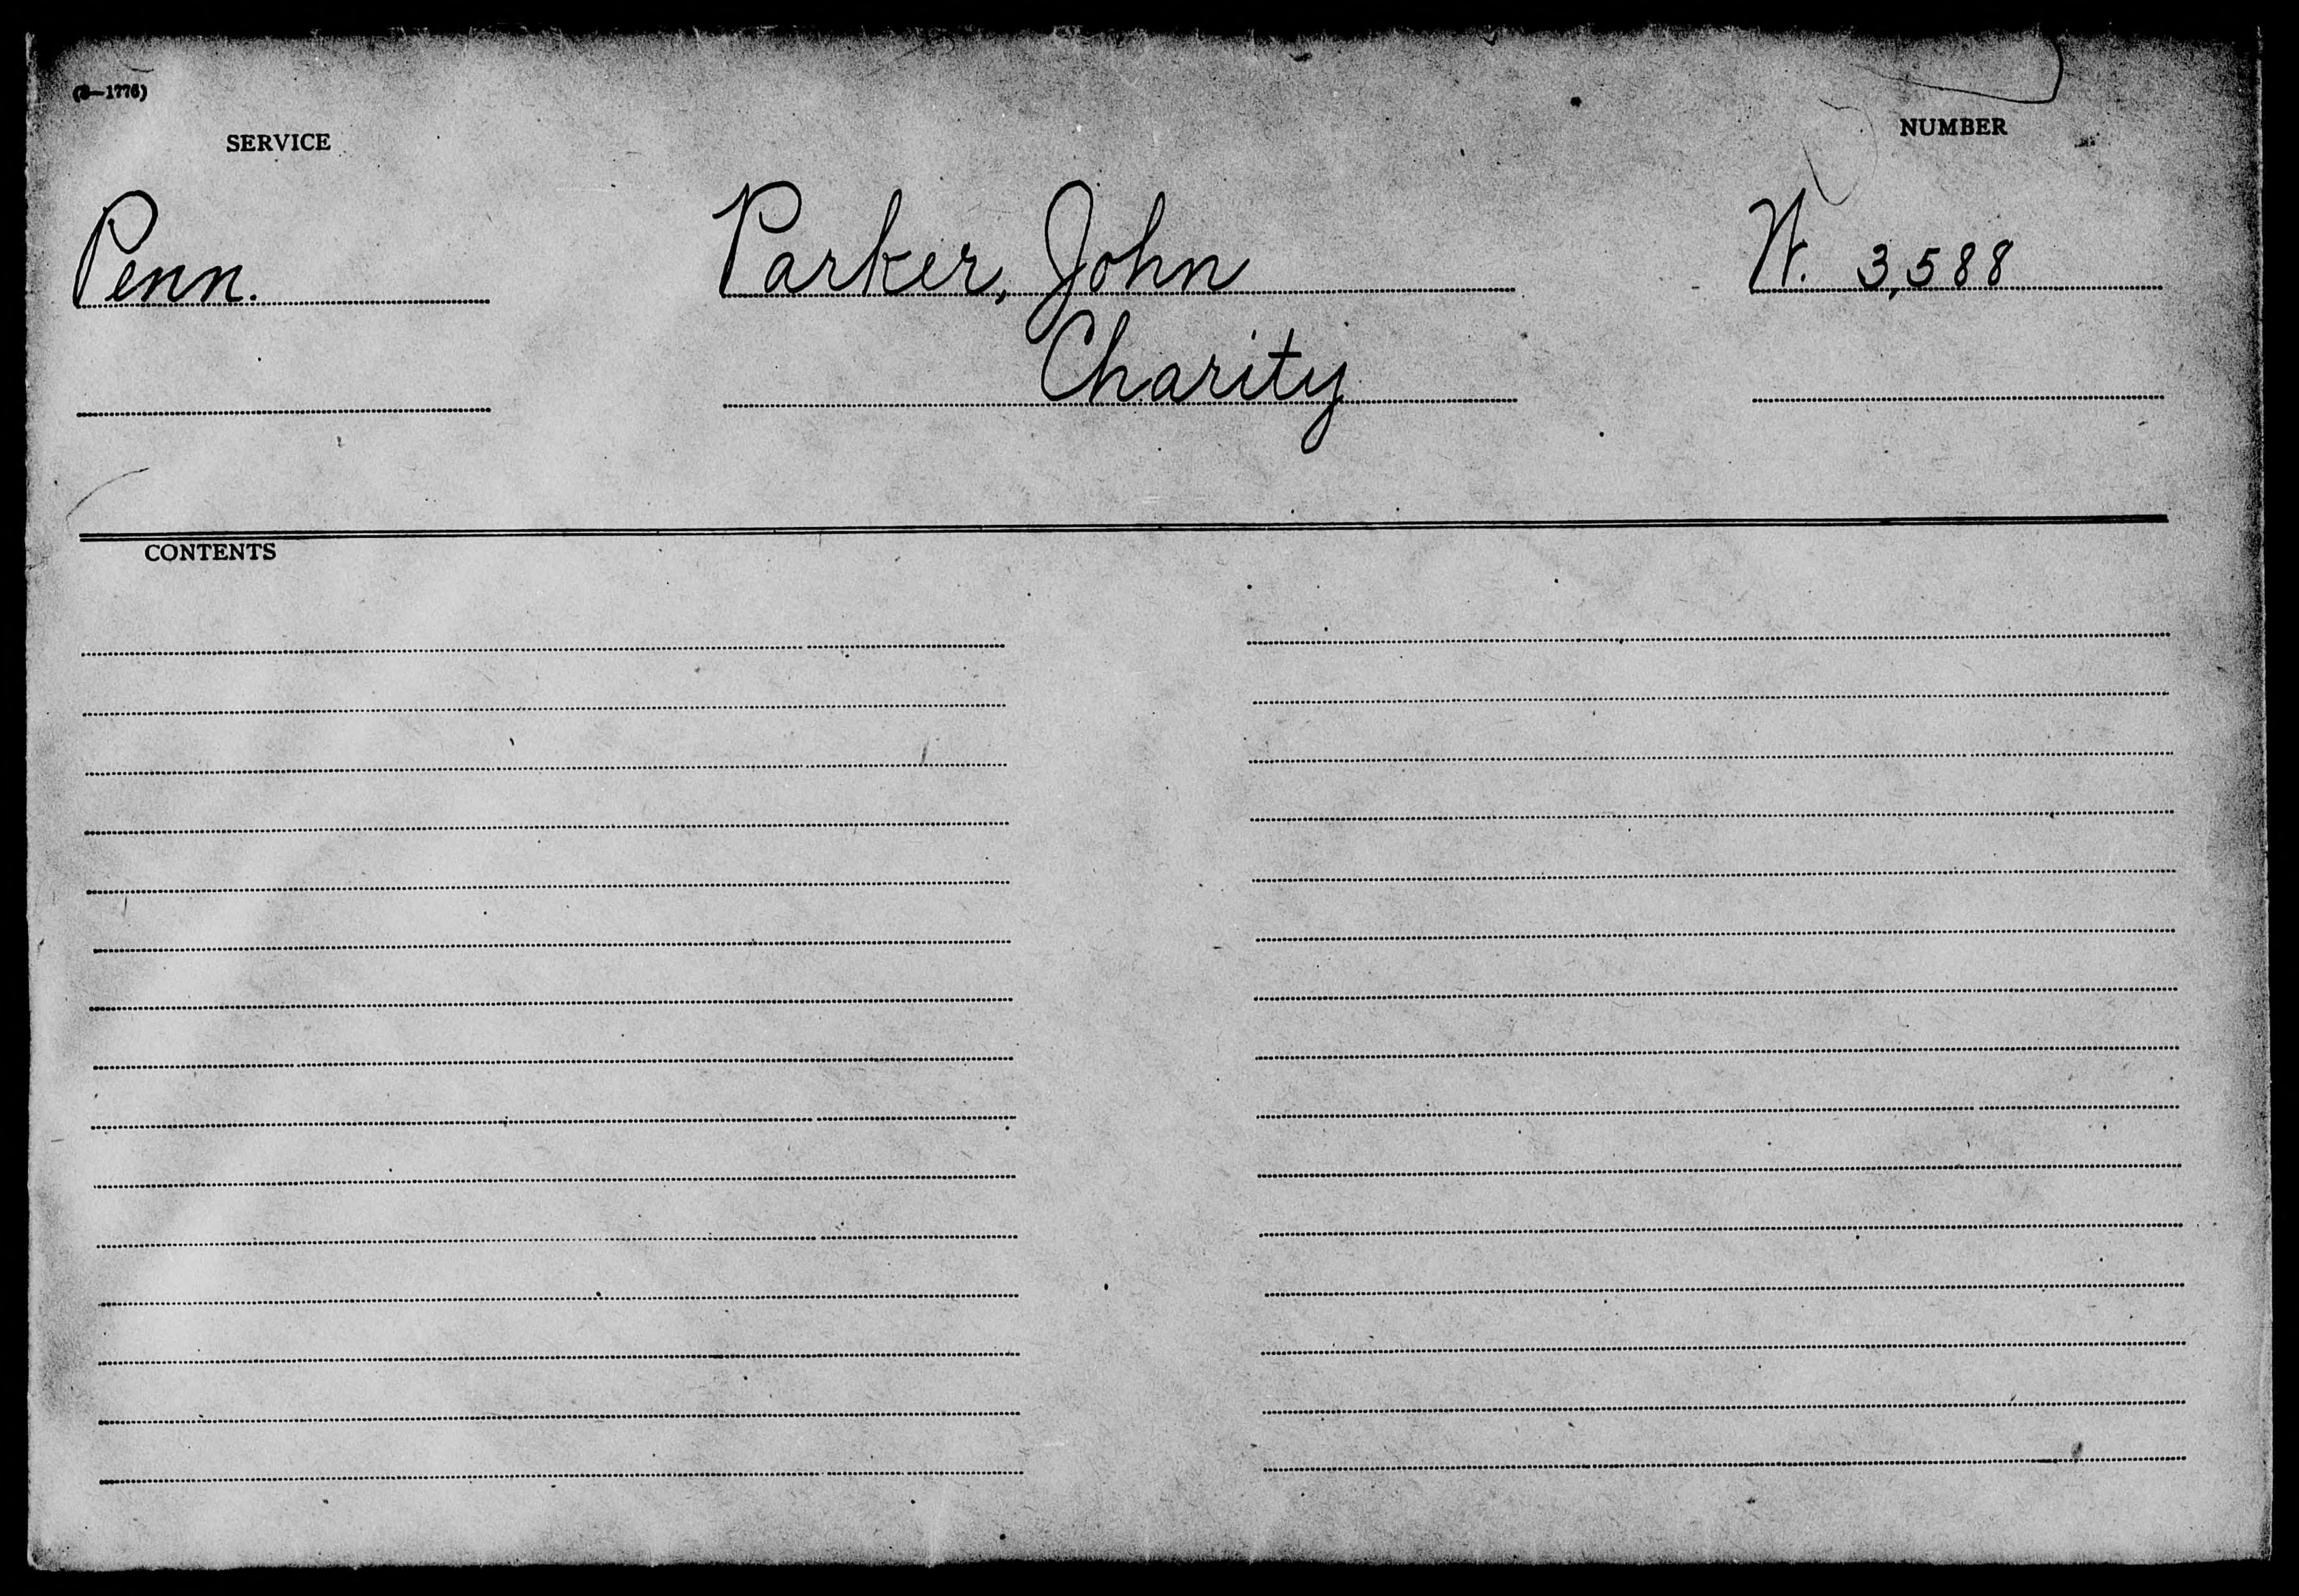(3-1776)
SERVICE  NUMBER
Penn.  Parker, John  W. 3,588
Charity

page: 1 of 40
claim: widow's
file: W. 3,588, for John Parker, Pennsylvania